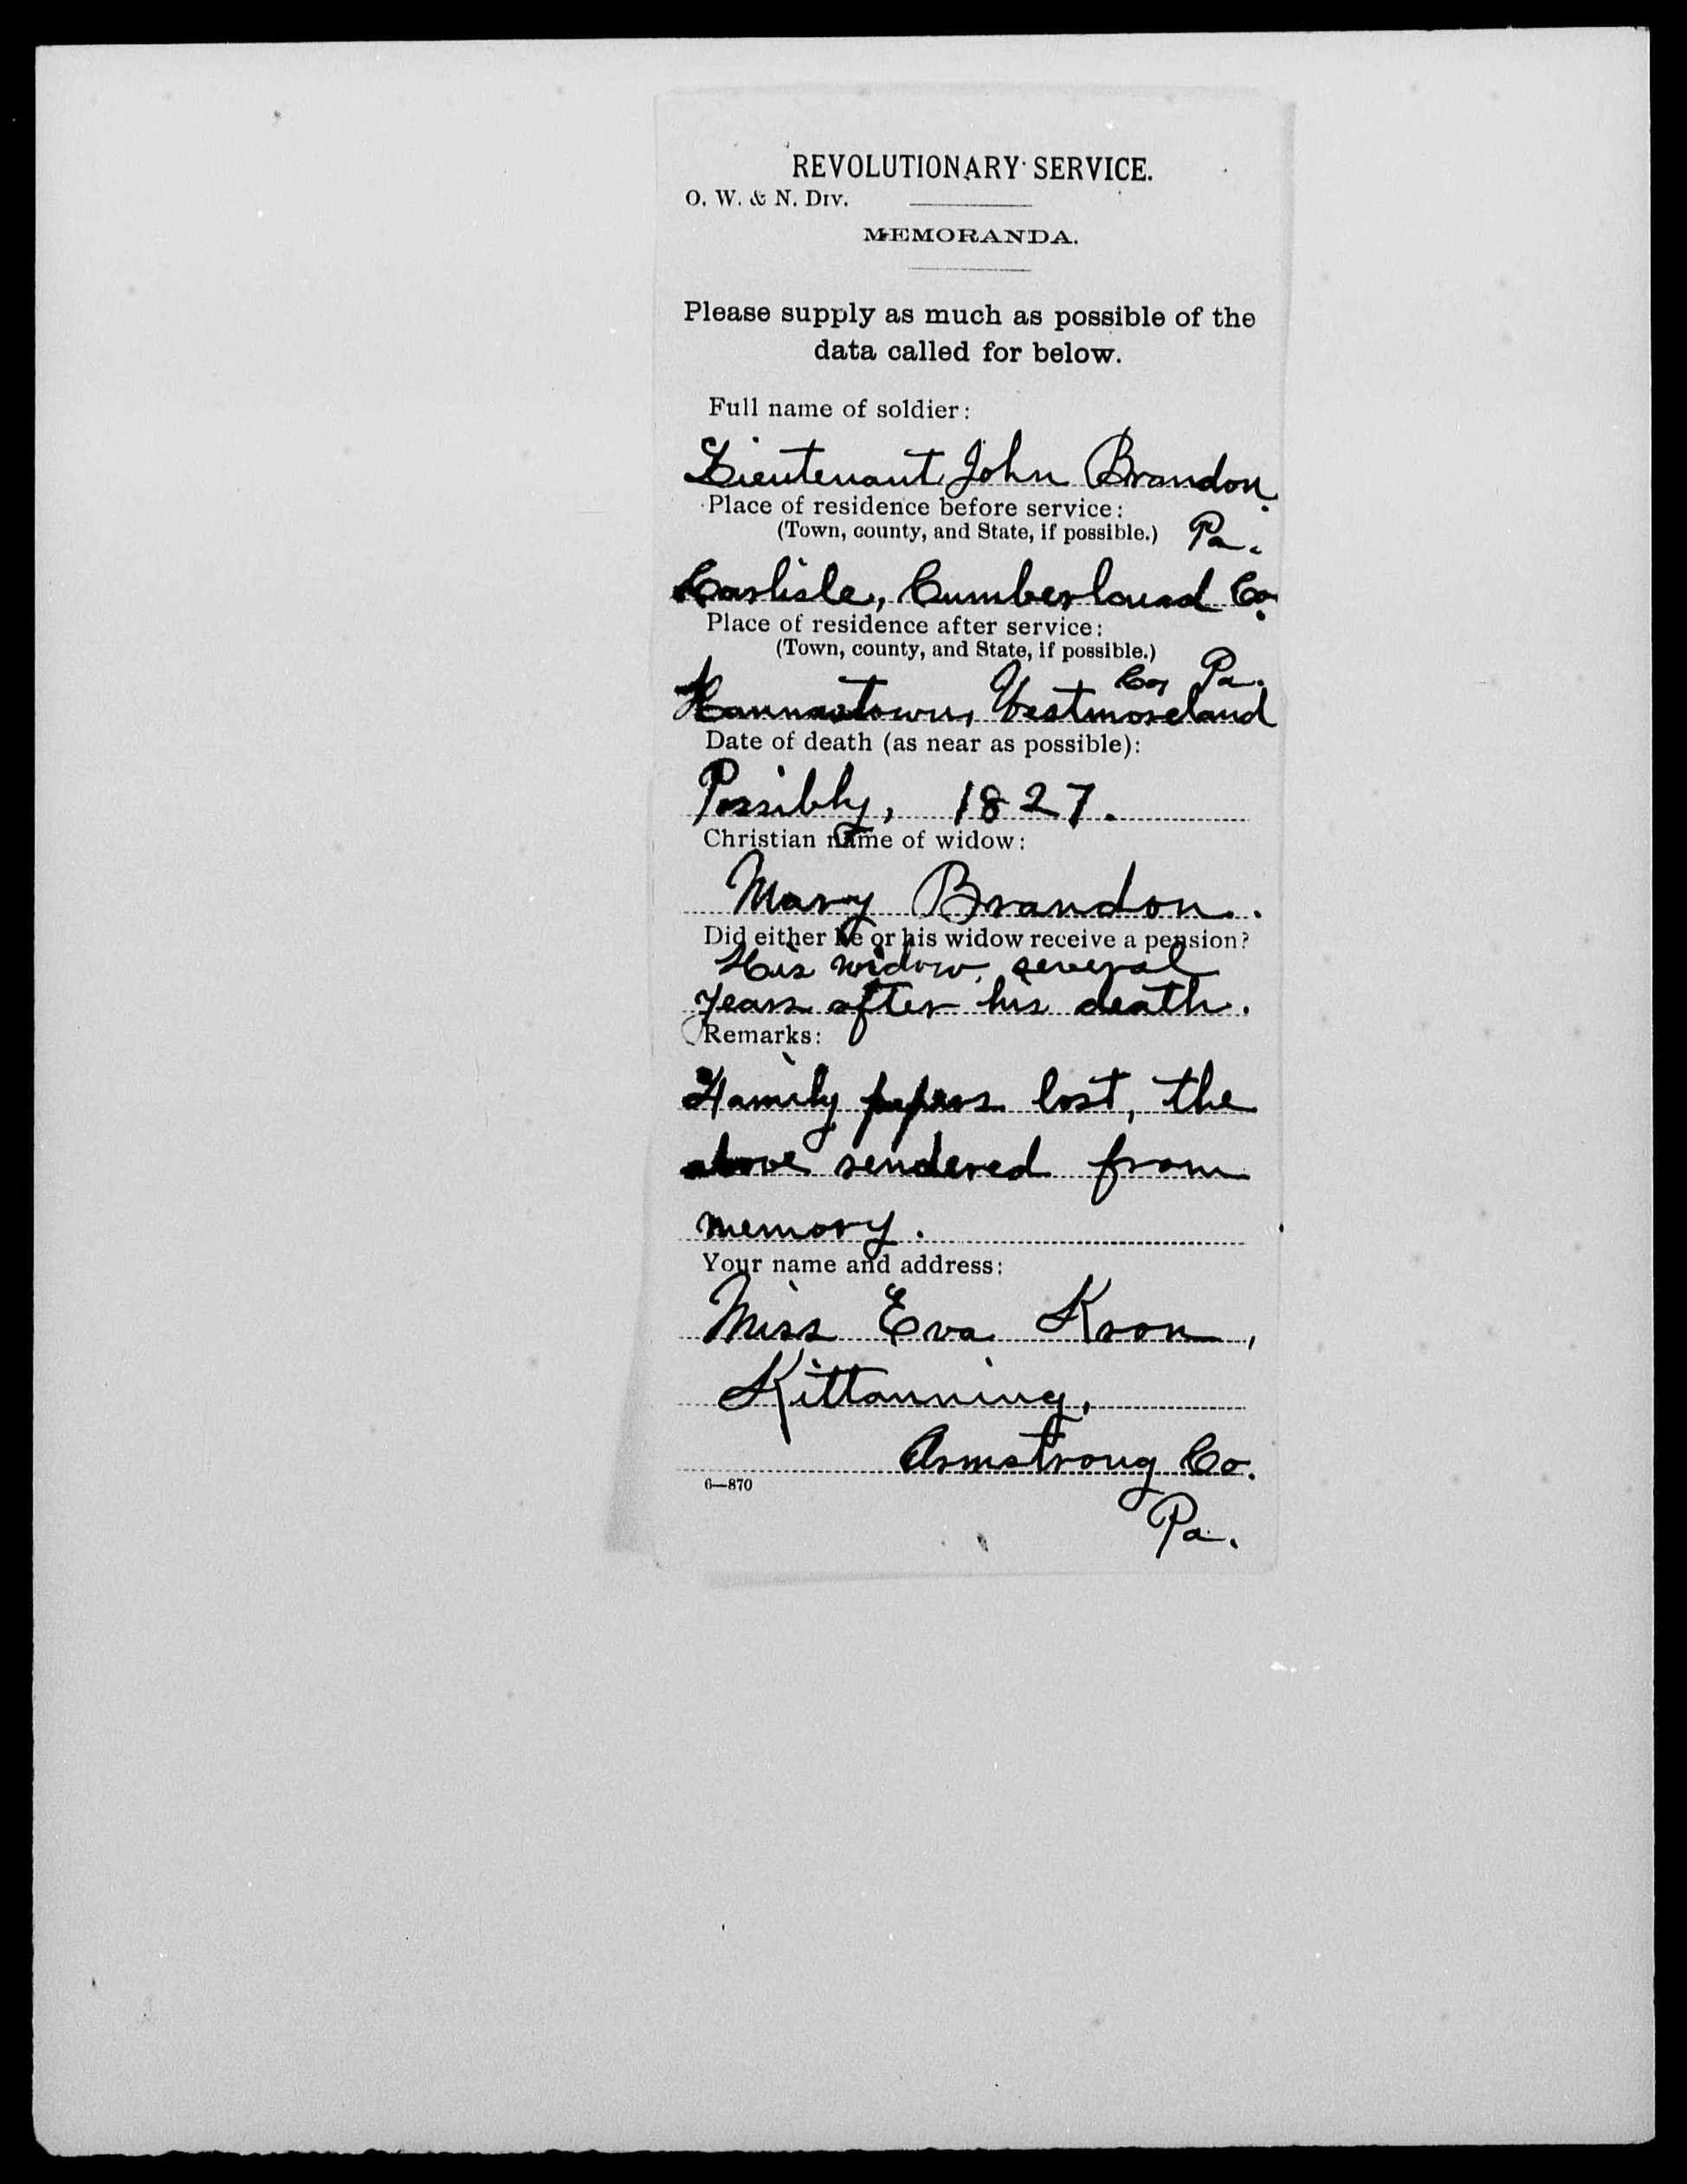REVOLUTIONARY SERVICE.
O. W. & N. Div.
-
MEMORANDA.
-
Please supply as much as possible of the data called for below.

Full name of soldier:
Lieutenant John Brandon
Place of residence before service:
(Town, county, and State, if possible.)
Carlisle, Cumberland Co.
Place of residence after service:
(Town, county, and State, if possible.)
Hannastown, Westmoreland Co., Pa.
Date of death (as near as possible):
Possibly, 1827.
Christian name of widow:
Mary Brandon.
Did either he or his widow receive a pension?
His widow, several years after his death.
Remarks:
Family papers lost, the above rendered from memory.
Your name and address:
Miss Eva Kron,
Kittanning,
Armstrong Co. Pa.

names: Eva Kron, Mary Brandon, John Brandon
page: 71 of 83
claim: widow's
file: W. 5946, John Brandon, Penn